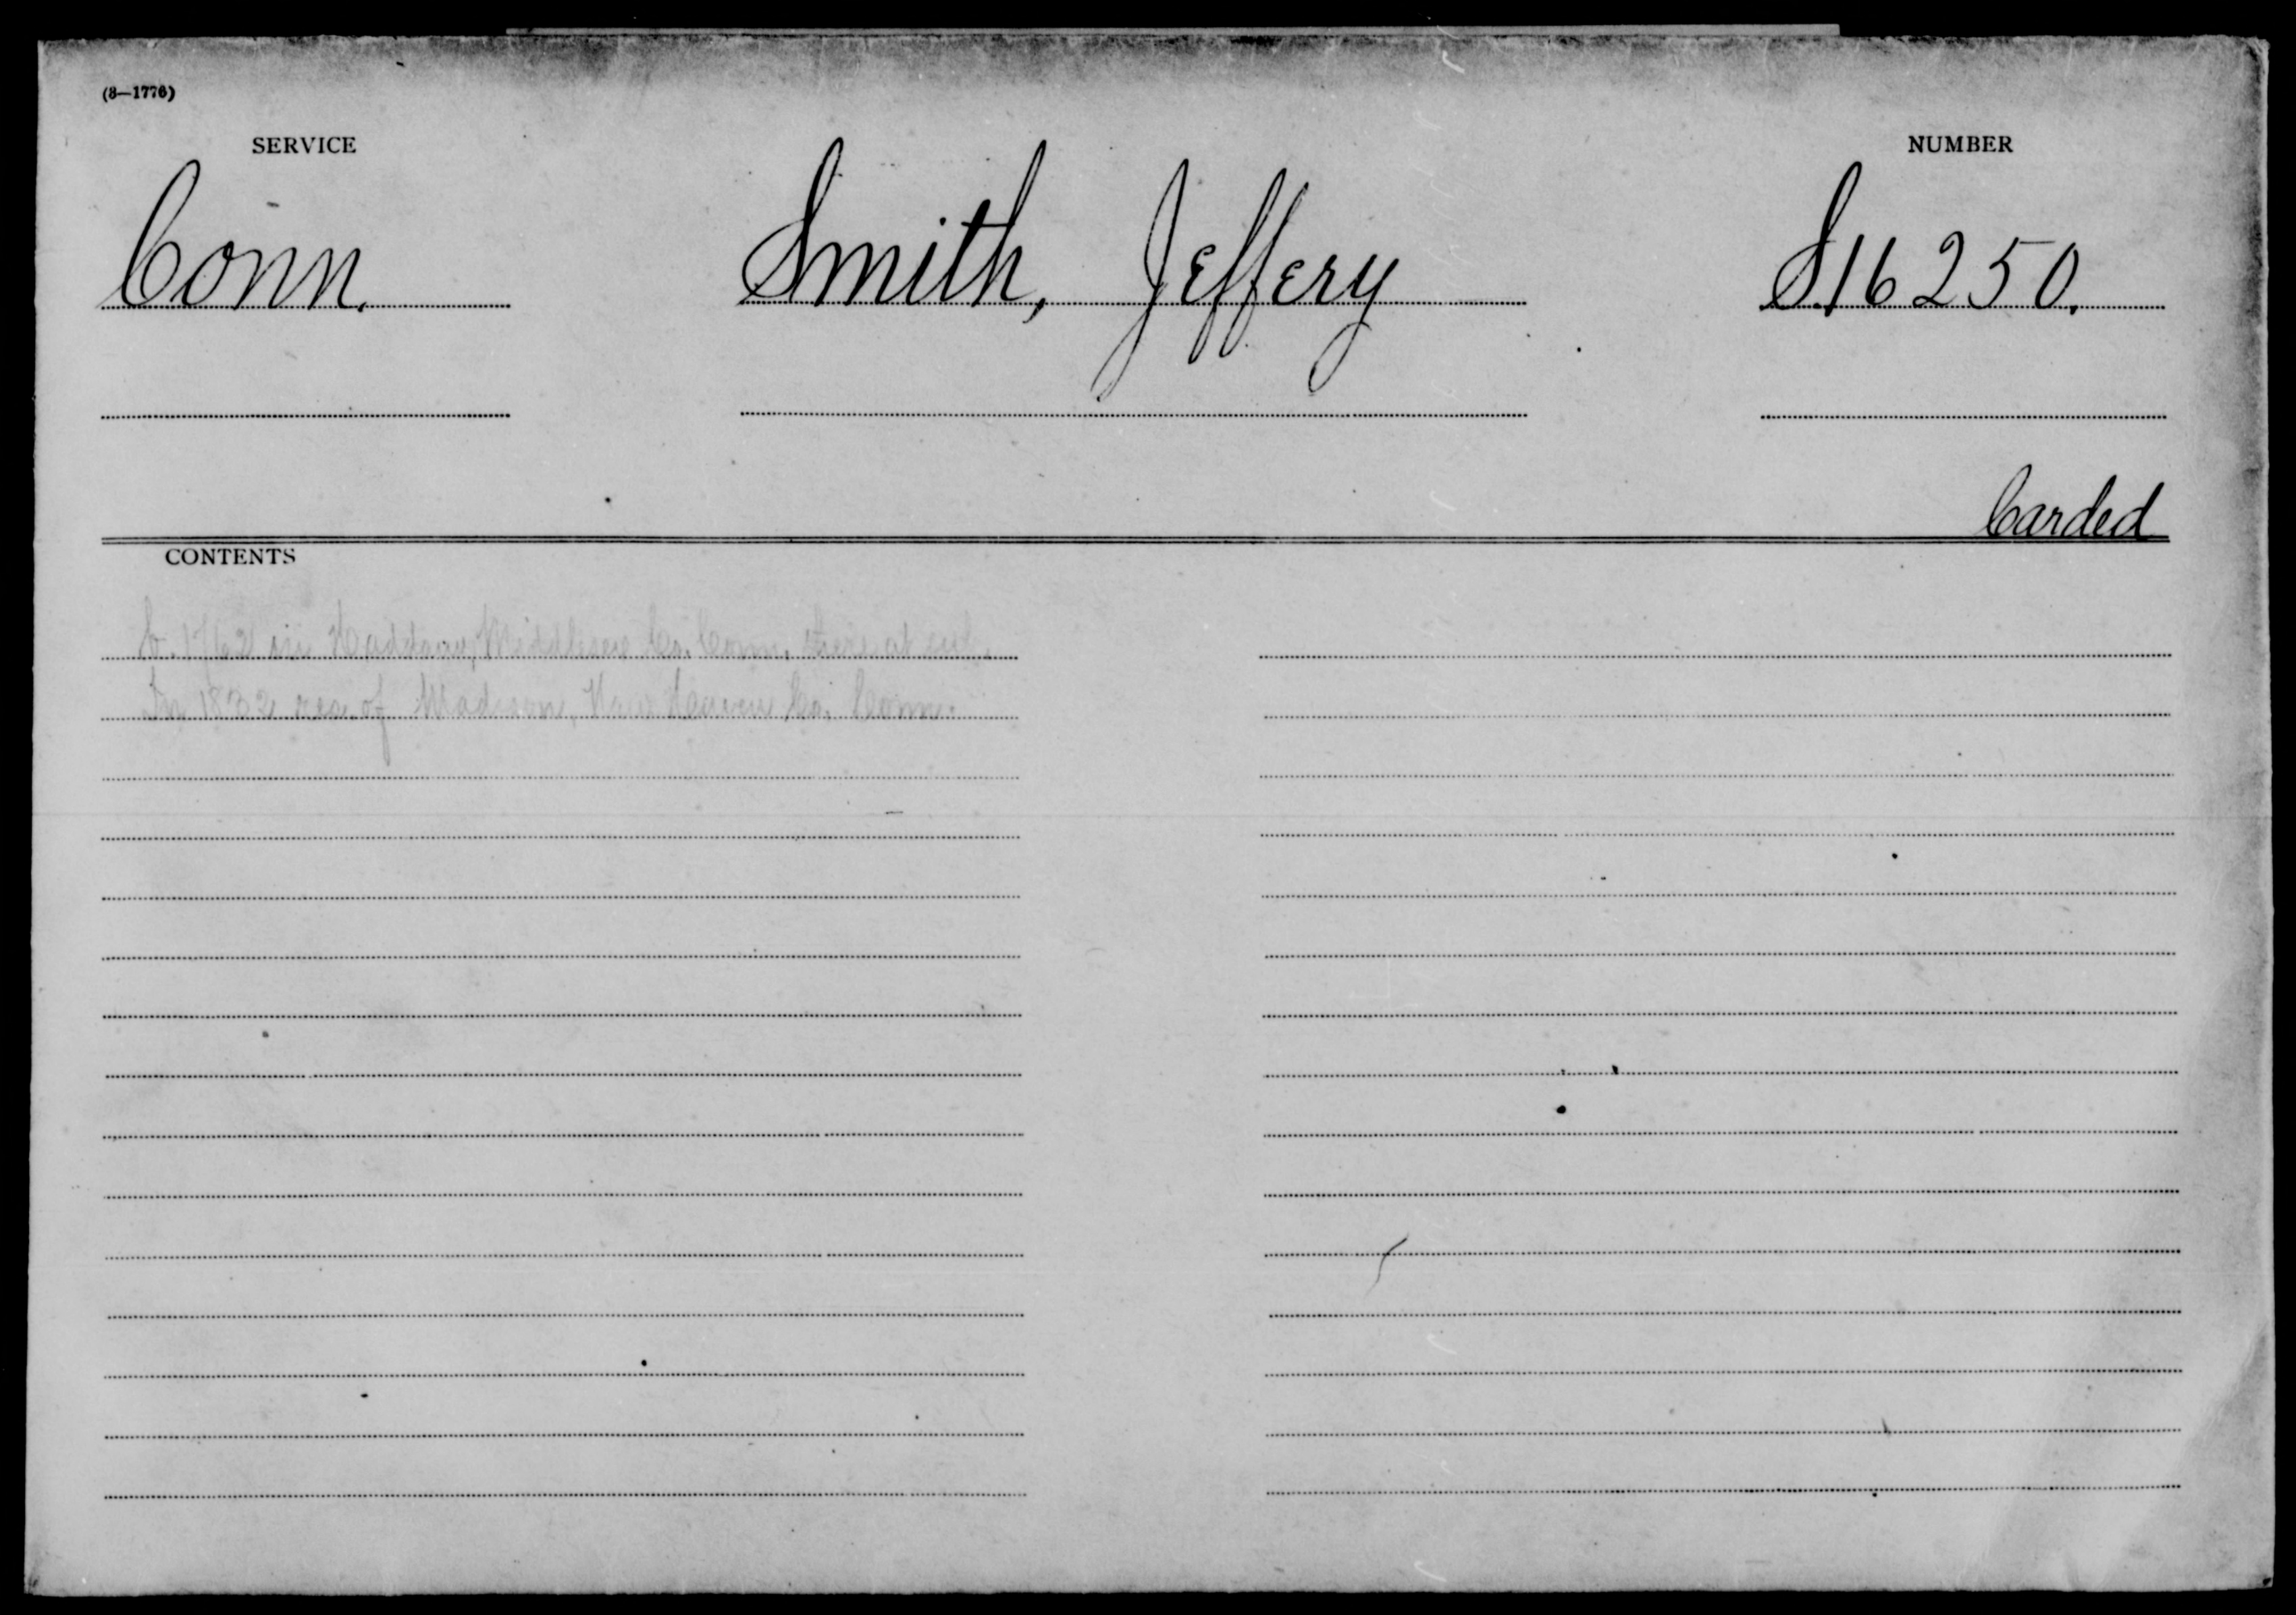(8-1776)

SERVICE Conn.
Smith, Jeffery
NUMBER S16250
Carded
[line]
CONTENTS

[pencil] [unclear] &. 1762 isi Haddaw, Middlesex Cs. Conn. there at wt.
In 1832 res of Madison, Newleaven Co. Conn. [/unclear]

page: 1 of 19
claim: survivor's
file: S. 16250, for Jeffery Smith, Connecticut